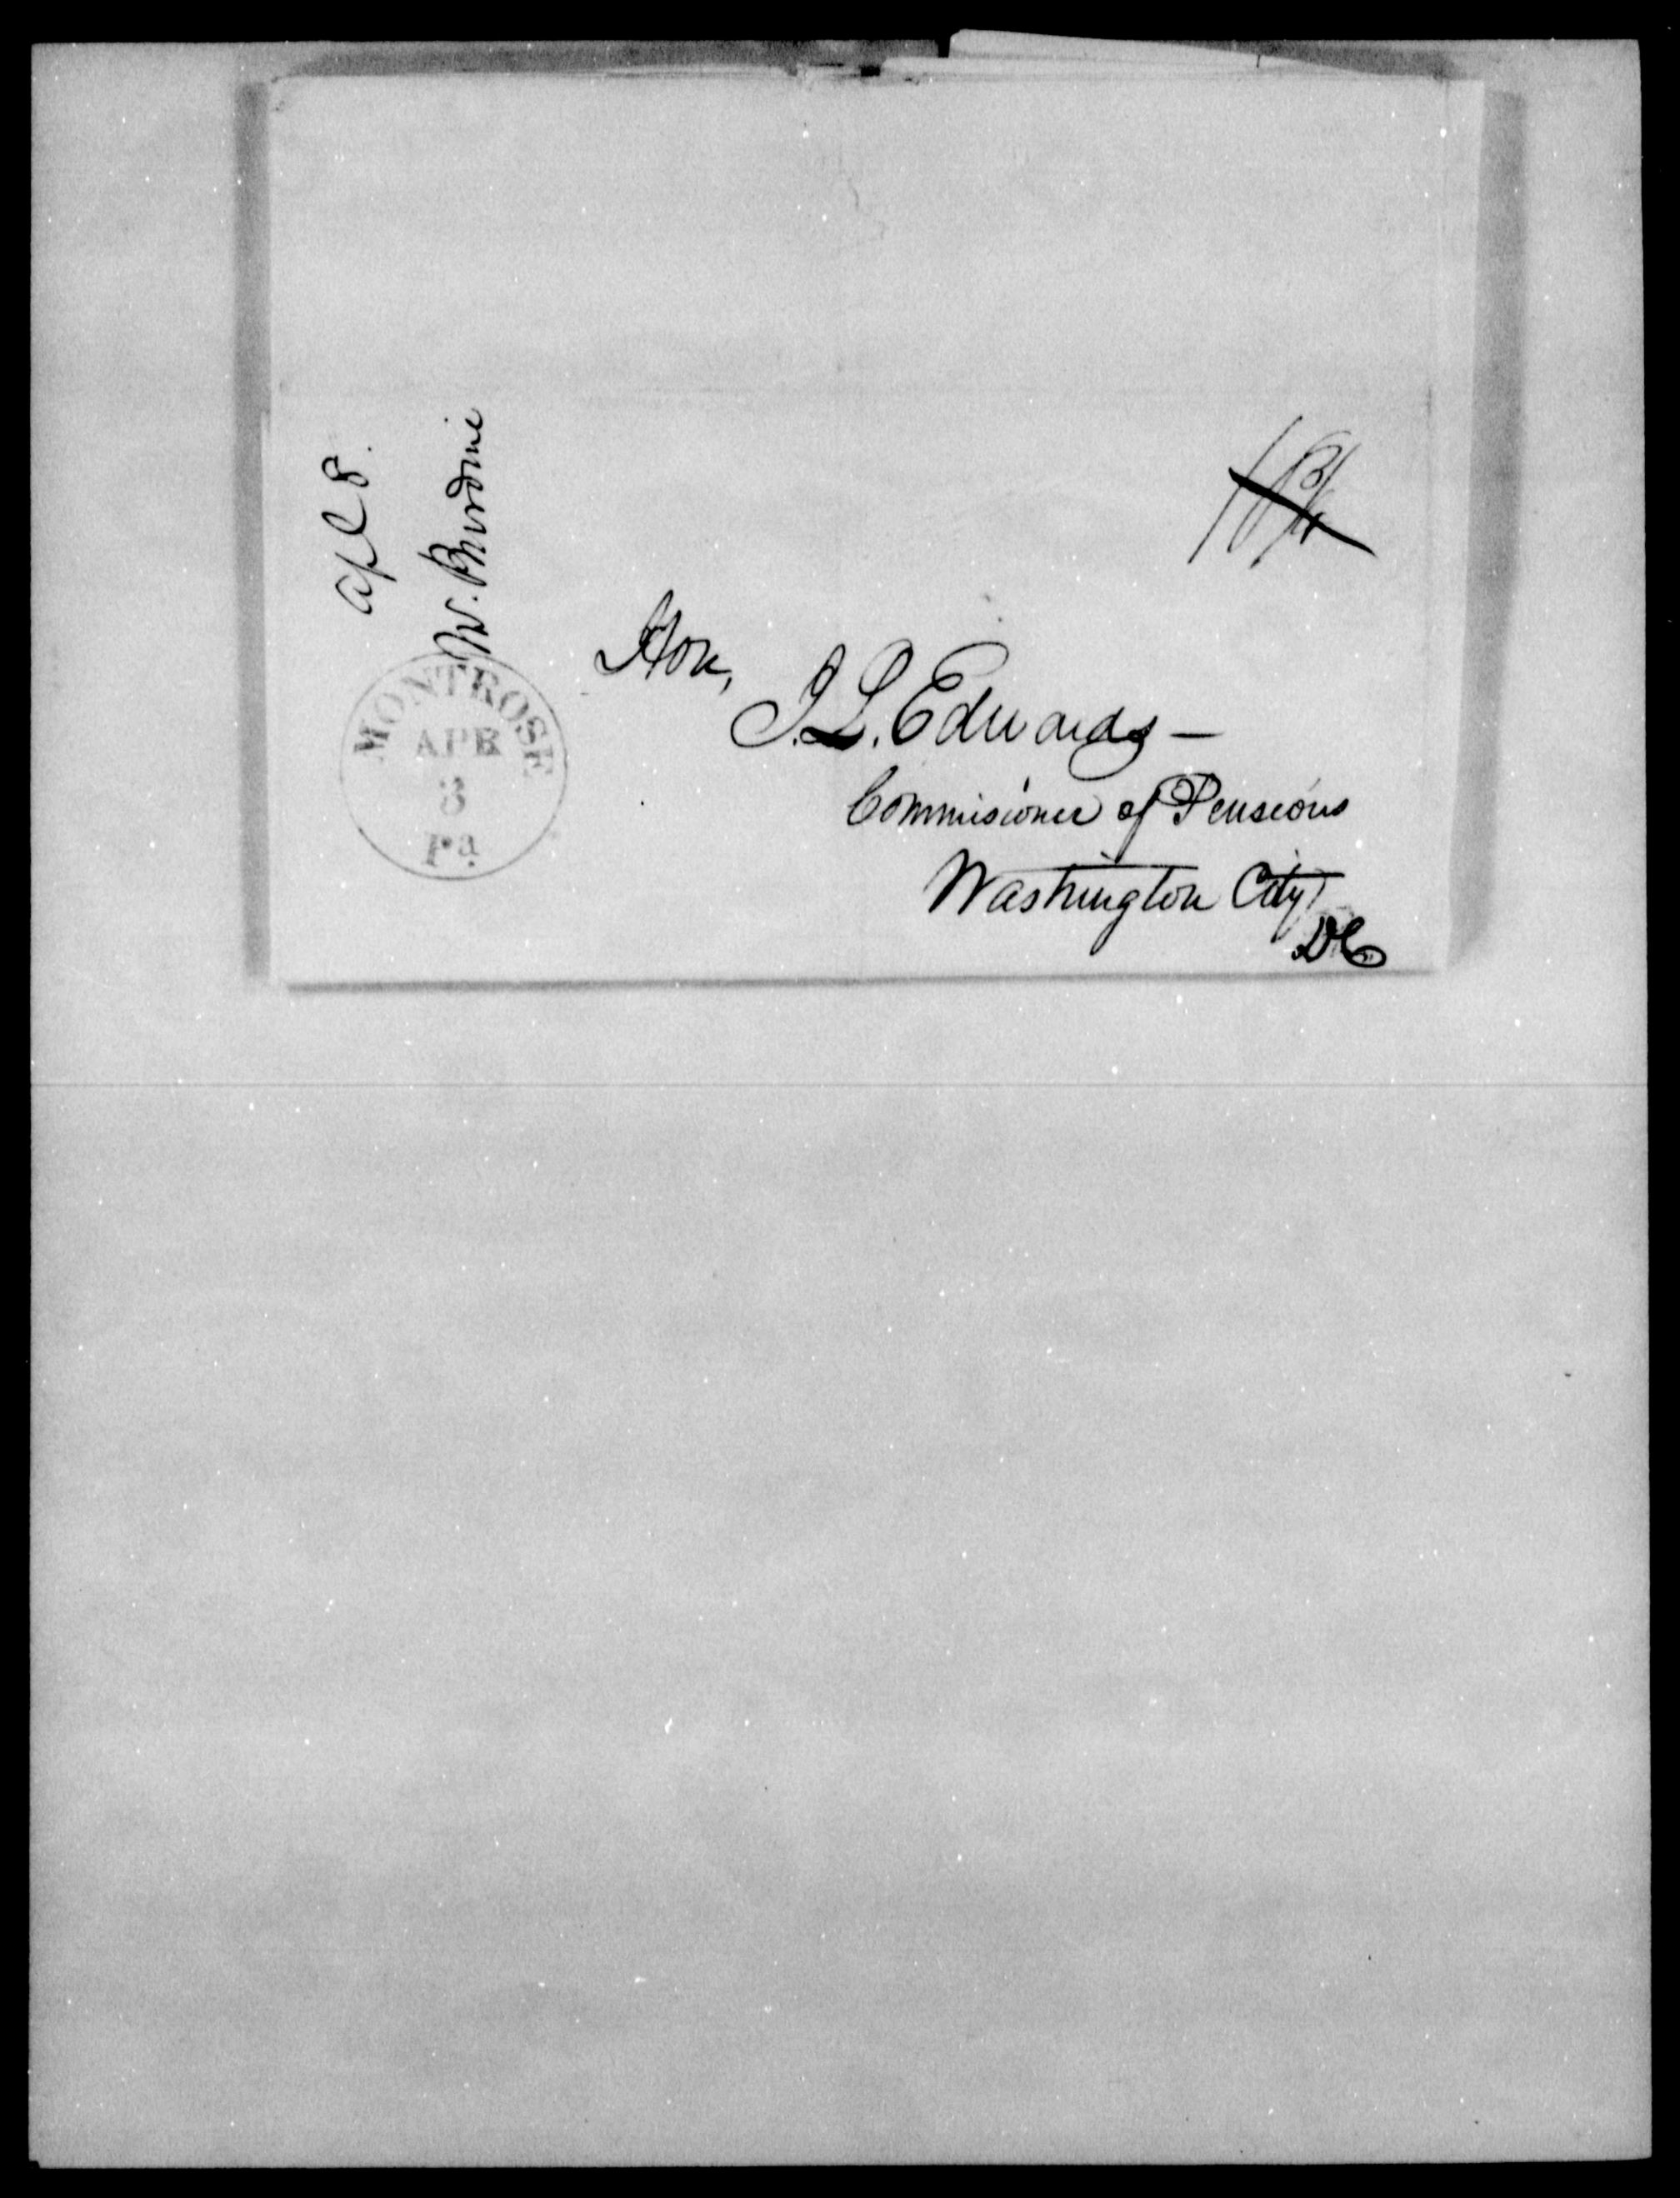Hon,
J L Edwards
Commissioner of Pensions
Washington City,
DC

Aprl 8
W Burdine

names: [BLANK] Burdine; J L Edwards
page: 9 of 20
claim: survivor's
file: S. 41,094, for Simeon Reynolds, Connecticut